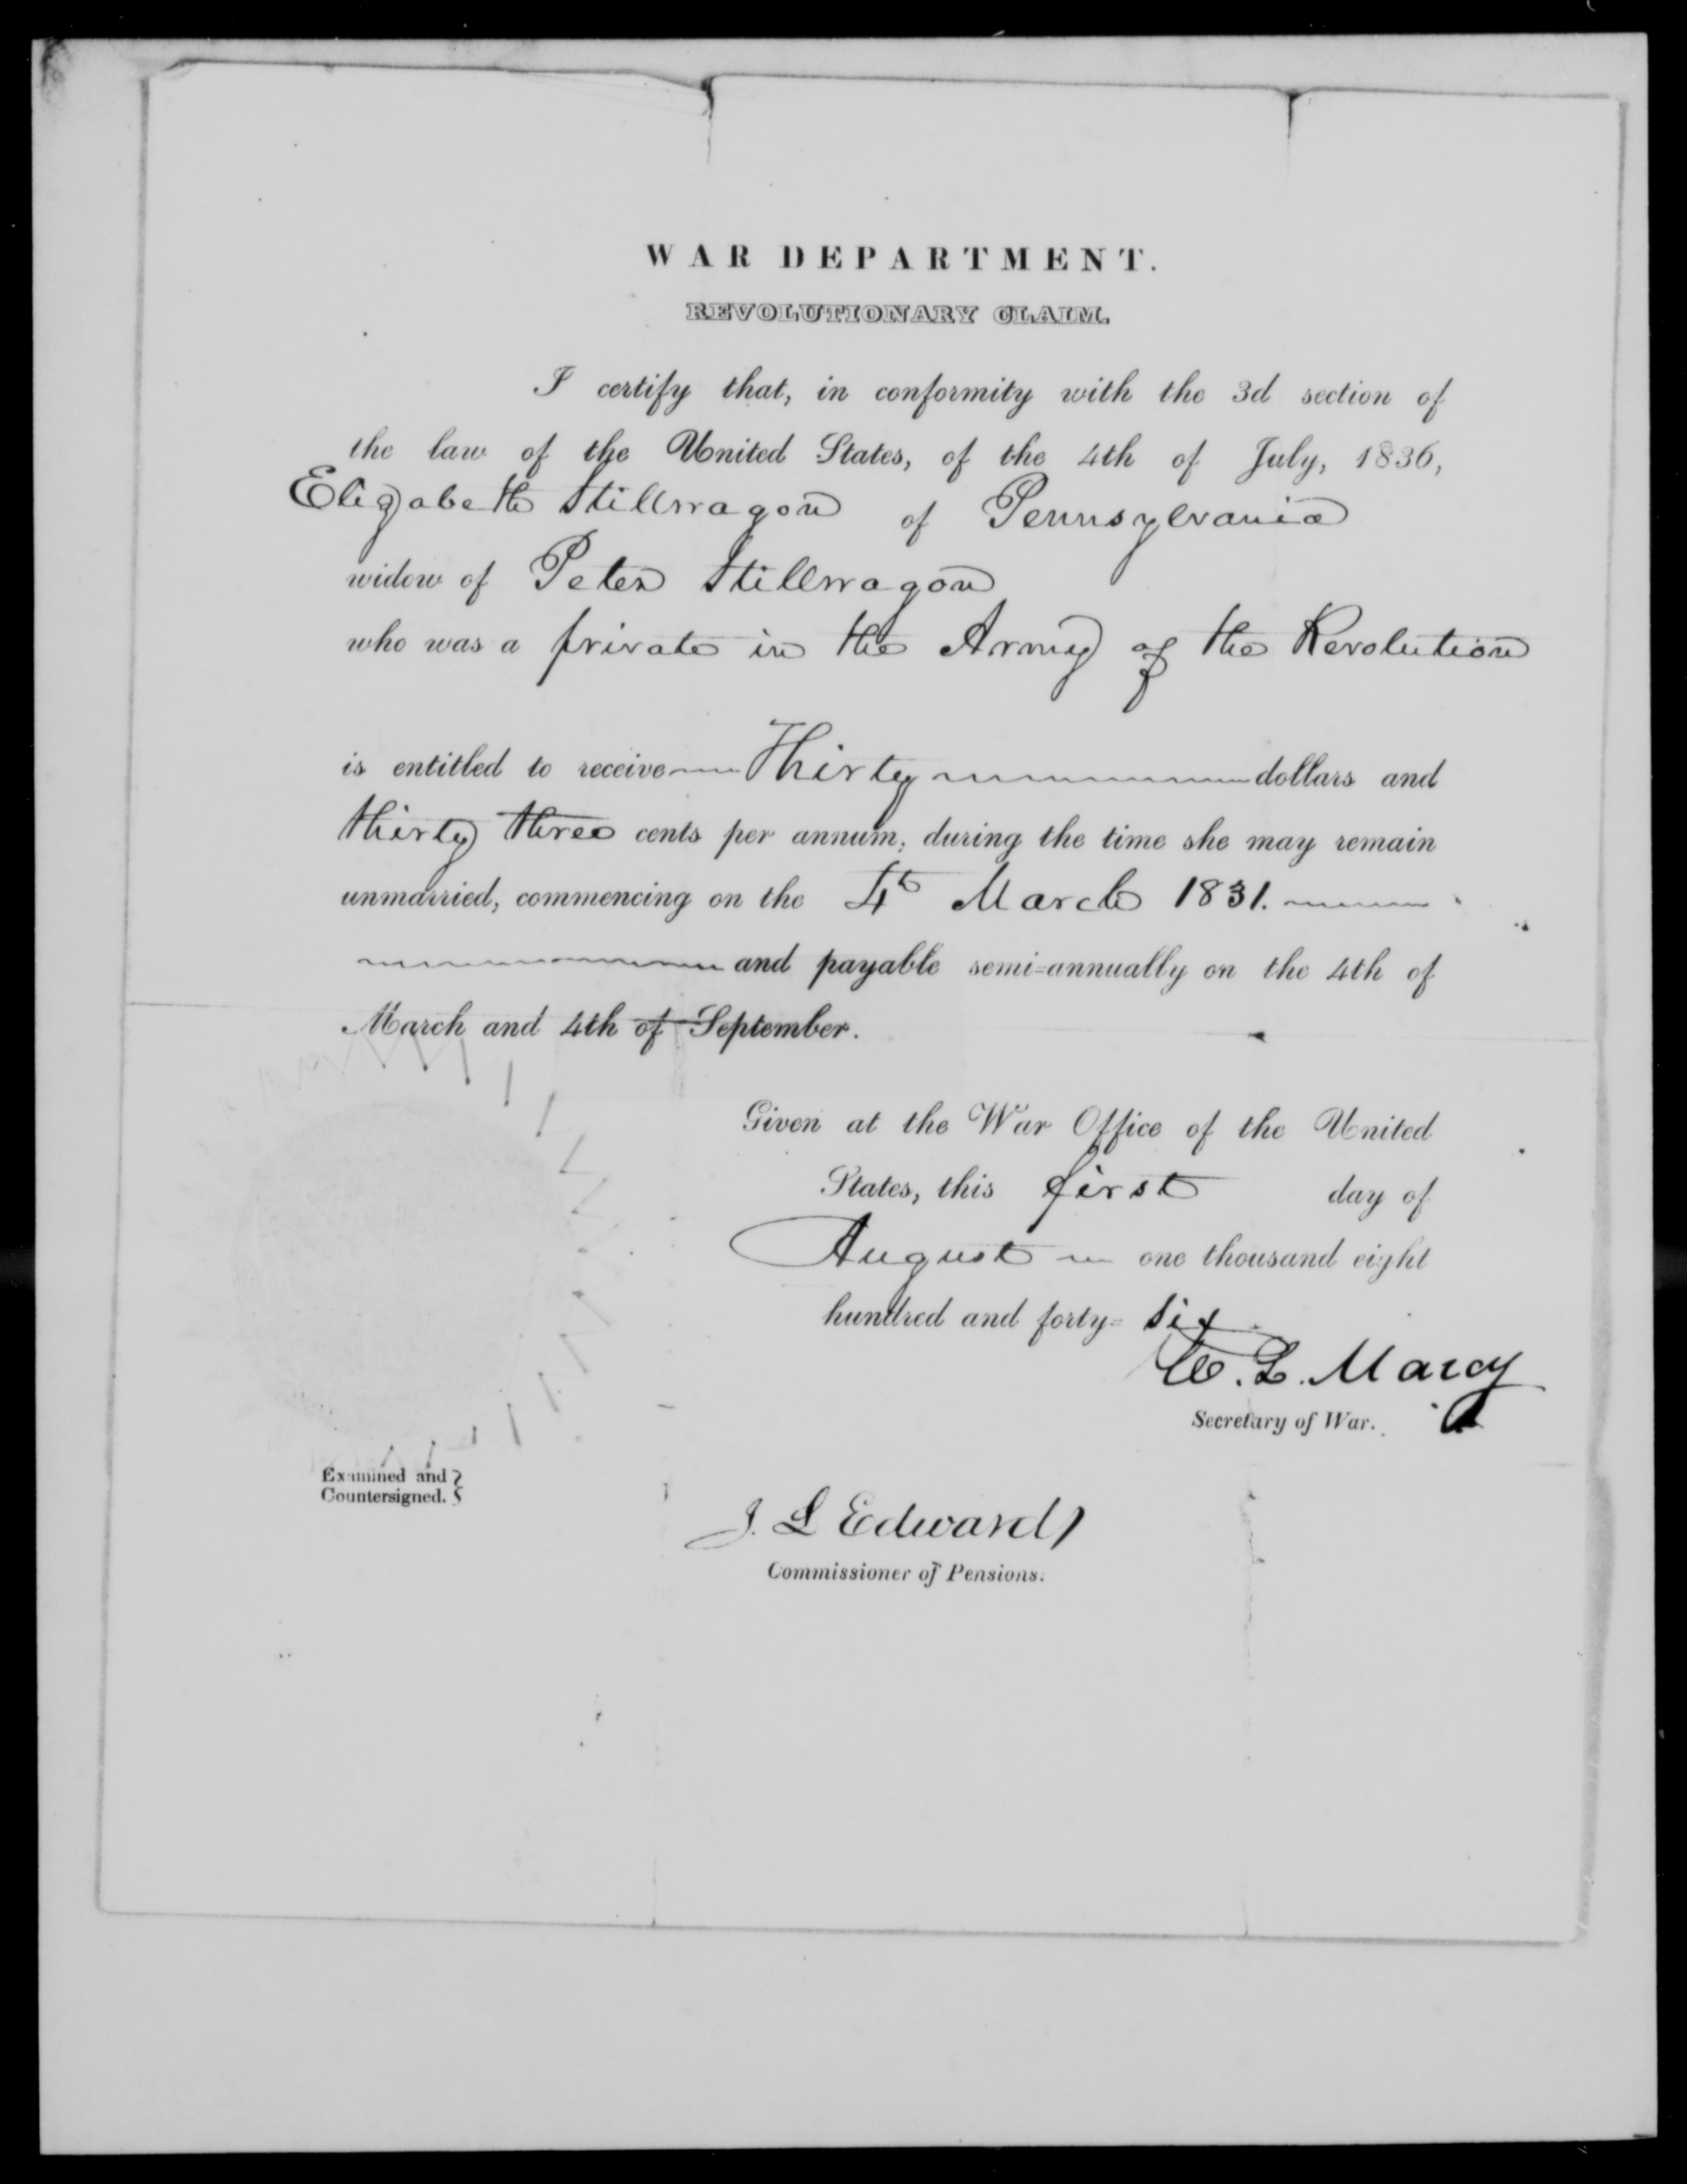War Department
Revolutionary Claim

I certify that, in conformity with the 3d section of the law of the United States, of the 4th of July, 1836, Elizabeth Stillwagon of Pennsylvania widow of Peter Stillwagon who was a private in the Army of the Revolution
is entitled to receive thirty dollars and thirty three cents per annum during the time she may remain unmarried, commencing on the 4th March 1831 and payable semi-annually on the 4th of March and the 4th of September.

Given at the War Office of the United States, this first day of August one thousand eight hundred and forty six.
E L Marcy
Secretary of War

[possibly a round stamp or seal, illegible]
Examined and Countersigned 
J. L. Edwards
Commissioner of Pensions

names: Peter Stillwagon; Elizabeth Stillwagon; W L Marcy; J L Edwards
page: 49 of 73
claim: widow's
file: W. 3197, for Peter Stillwagon, New Jersey